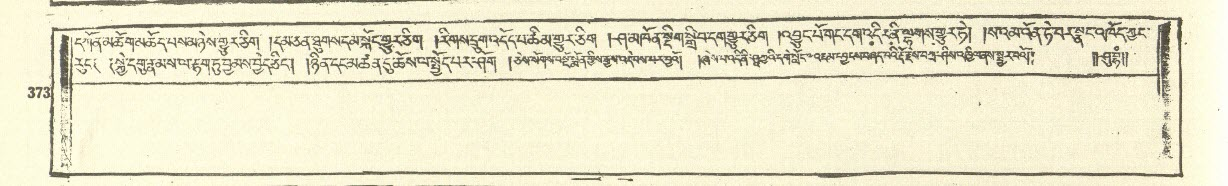དཀོན་མཆོག་མཆོད་པས་མཉེས་གྱུར་ཅིག །དམ་ཅན་ཐམས་ཅད་སྐོང་གྱུར་ཅིག །རིགས་དྲུག་འདོད་པ་ཚིམ་གྱུར་ཅིག །ཤ་མཁོན་སྡིག་སྒྲིབ་དག་གྱུར་ཅིག །འབྱུང་པོ་གང་དག་འདིར་ནི་ལྷག་སྒྱུར་ཏ། ས་འམ་འོན་ཏེ་བར་སྣང་འཁོད་ཀྱང་
རུང་། །སྐྱེ་དགུ་རྣམས་ལ་རྟག་ཏུ་བྱམས་བྱེད་ཅིང་། །ཉིན་དང་མཚན་དུ་ཆོས་ལ་སྤྱོད་པར་ཤོག །ཅེས་སོ་གསང་སྔོན་སྨོན་གྱིས་ཀྱས་འདེབས་པར་བྱའོ། །ས་བ་འདིའི་ཤཱཀྱའི་དགེ་སློང་འཇམ་དབྱངས་བཞད་པའི་རྡོ་རྗེས་བཀྲ་ཤིས་འཁྱིལ་ནས་སྦྱར་བའོ།། །།ཤུབྷཾ།